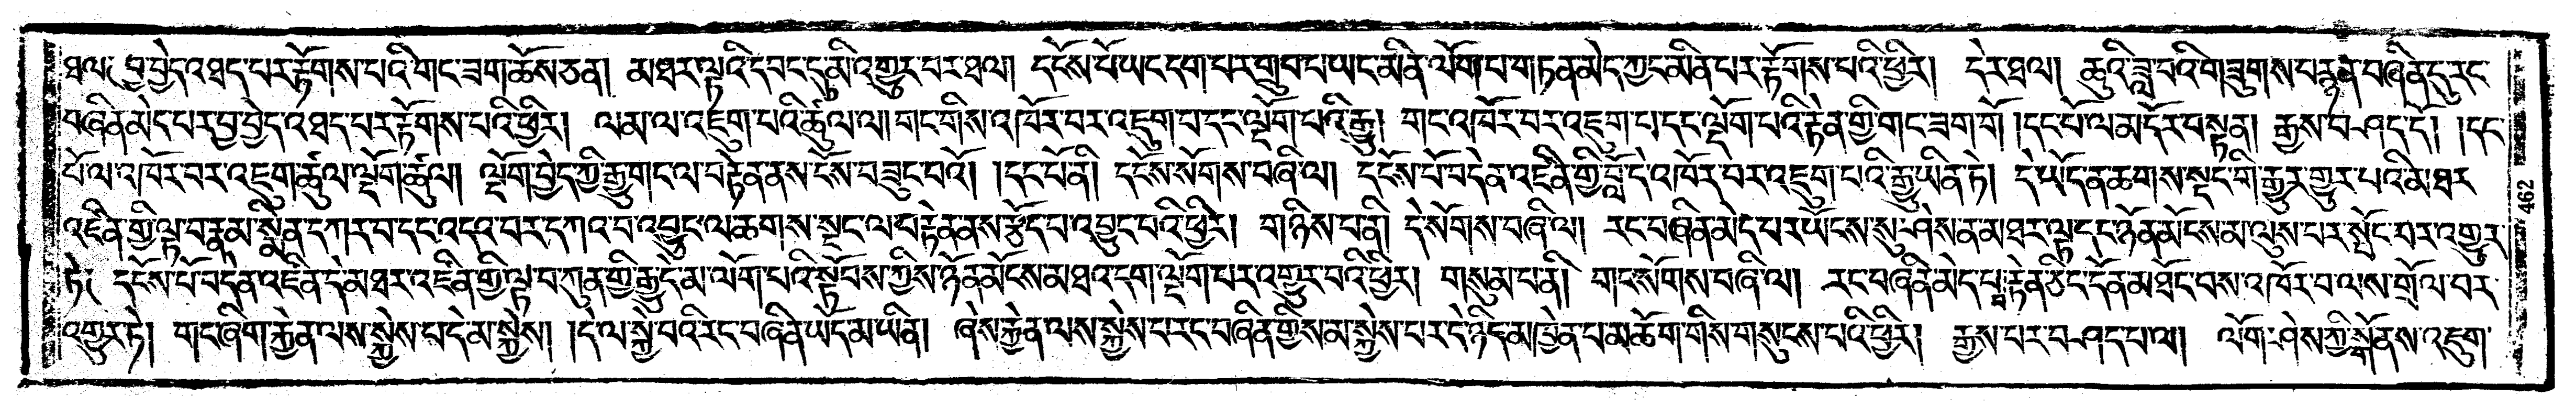ཐལ། བྱ་བྱེད་འཐད་པར་རྟོགས་པའི་གང་ཟག་ཆོས་ཅན། མཐར་ལྟའི་དབང་དུ་མི་འགྱུར་བར་ཐལ། དངོས་པོ་ཡང་དག་པར་གྲུབ་པ་ཡང་མིན་ལོག་པ་གཏན་མེད་ཀྱང་མིན་པར་རྟོགས་པའི་ཕྱིར། དེར་ཐལ། ཆུའི་ཟླ་བའི་གཟུགས་བརྙན་བཞིན་དུ་རང་
བཞིན་མེད་པར་བྱ་བྱེད་འཐད་པར་རྟོགས་པའི་ཕྱིར། ལམ་ལ་འཇུག་པའི་ཚུལ་ལ། གང་གིས་འཁོར་བར་འཇུག་པ་དང་ལྡོག་པའི་རྒྱུ། གང་འཁོར་བར་འཇུག་པ་དང་ལྡོག་པའི་རྟེན་གྱི་གང་ཟག་གོ །དང་པོ་ལ་མདོར་བསྟན། རྒྱས་བཤད་དོ། །དང་
པོ་ལ་འཁོར་བར་འཇུག་ཚུལ་ལྡོག་ཚུལ། ལྡོག་བྱེད་ཀྱི་རྒྱུ་གང་ལ་བརྟེན་ནས་ངོས་བཟུང་བའོ། །དང་པོ་ནི། དངོས་སོགས་བཞི་ལ། དངོས་པོ་བདེན་འཛིན་གྱི་བློ་དེ་འཁོར་བར་འཇུག་པའི་རྒྱུ་ཡིན་ཏེ། དེ་ཡོད་ན་ཆགས་སྡང་གི་རྒྱུར་གྱུར་པའི་མཐར་
འཛིན་གྱི་ལྟ་བ་རྣམ་སྨིན་དཀར་བ་དང་འདའ་བར་དཀའ་བ་འབྱུང་ལ་ཆགས་སྡང་ལ་བརྟེན་ནས་རྩོད་པ་འབྱུང་བའི་ཕྱིར། གཉིས་པ་ནི། དེ་སོགས་བཞི་ལ། རང་བཞིན་མེད་པར་ཡོངས་སུ་ཤེས་ན་མཐར་ལྟ་དང་ཉོན་མོངས་མ་ལུས་པར་སྤོང་བར་འགྱུར་
ཏེ། དངོས་པོ་བདེན་འཛིན་དེ་མཐར་འཛིན་གྱི་ལྟ་བ་ཀུན་གྱི་རྒྱུ་དེ་མ་ལོག་པའི་སྟོབས་ཀྱིས་ཉོན་མོངས་མཐའ་དག་ལྡོག་པར་འགྱུར་པའི་ཕྱིར། གསུམ་པ་ནི། གང་སོགས་བཞི་ལ། རང་བཞིན་མེད་པ་བརྟེན་ཅིང་དོན་མཐོང་བས་འཁོར་བ་ལས་གྲོལ་བར་
འགྱུར་ཏེ། གང་ཞིག་རྐྱེན་ལས་སྐྱེས་པ་དེ་མ་སྐྱེས། །དེ་ལ་སྐྱེ་པའི་རང་བཞིན་ཡོད་མ་ཡིན། ཞེས་རྐྱེན་ལས་སྐྱེས་པ་རང་བཞིན་གྱིས་མ་སྐྱེས་པར་དེ་ཉིད་མཁྱེན་པ་མཆོག་གིས་གསུངས་པའི་ཕྱིར། རྒྱས་པར་བཤད་པ་ལ། ལོག་ཤེས་ཀྱི་སྒོ་ནས་འཇུག་